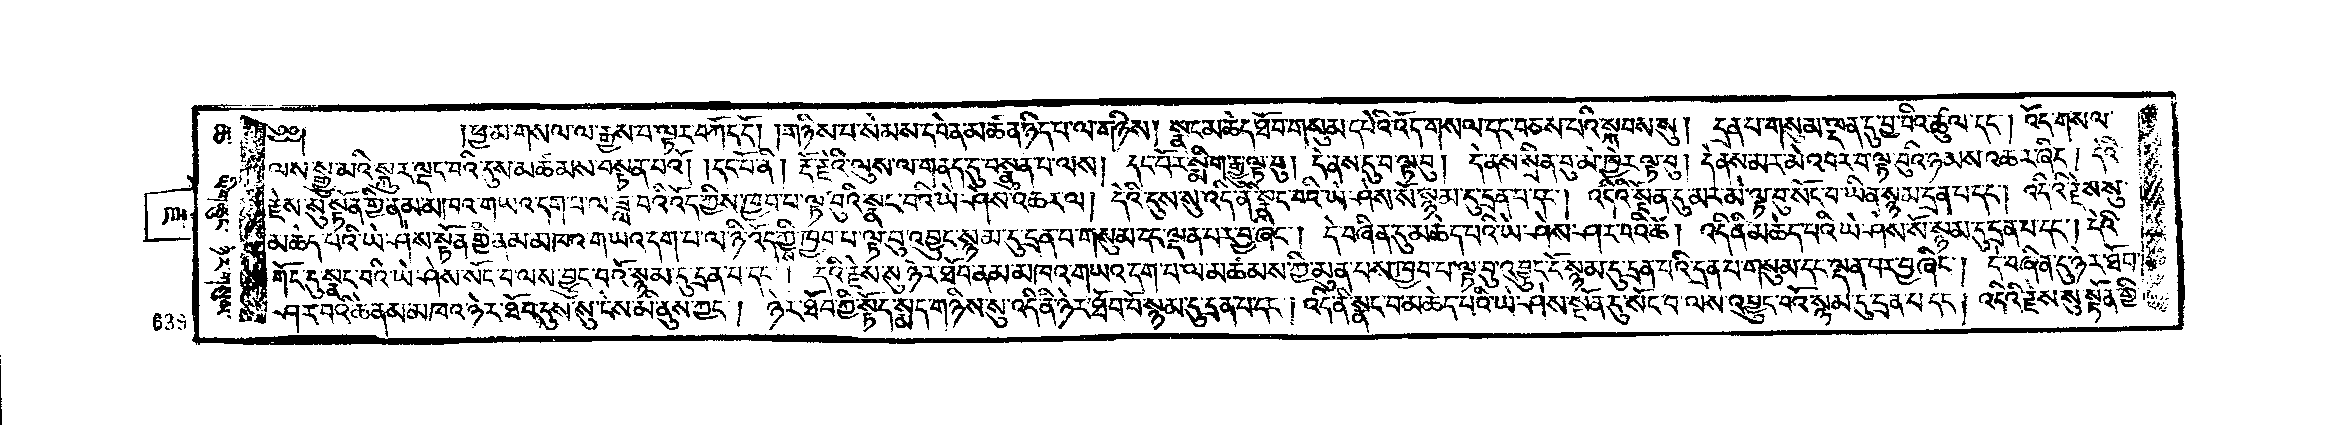༄༅། །ཕྱི་མ་གསལ་ལ་རྒྱས་པ་ལྟར་བཀོད་དོ། །གཉིས་པ་སེམས་དབེན་མཚན་ཉིད་པ་ལ་གཉིས། སྣང་མཆེད་ཐོབ་གསུམ་དཔེའི་འོད་གསལ་དང་བཅས་པའི་སྐབས་སུ། དྲན་པ་གསུམ་ལྡན་དུ་བྱ་བའི་ཚུལ་དང་། འོད་གསལ་
ལས་སྒྱུ་མའི་སྐུར་ལྡང་བའི་དུས་མཚམས་བསྟན་པའོ། །དང་པོ་ནི། རྡོ་རྗེའི་ལུས་ལ་གནད་དུ་བསྣུན་པ་ལས། དང་པོར་སྨིག་རྒྱུ་ལྟ་བུ། དེ་ནས་སྲིན་བུ་མེ་ཁྱེར་ལྟ་བུ། དེ་ནས་མར་མེ་འབར་བ་ལྟ་བུའི་ཉམས་འཆར་ཞིང་། དེའི་
རྗེས་སུ་སྟོན་གྱི་ནམ་མཁའ་གཡའ་དག་པ་ལ་ཟླ་བའི་འོད་ཀྱིས་ཁྱབ་པ་ལྟ་བུའི་སྣང་བའི་ཡེ་ཤེས་འཆར་ལ། དེའི་དུས་སུ་འདི་ནི་སྣང་བའི་ཡེ་ཤེས་སོ་སྙམ་དུ་དྲན་པ་དང་། འདིའི་སྔོན་དུ་མར་མེ་ལྟ་བུ་སོང་བ་ཡིན་སྙམ་དྲན་པ་དང་། འདིའི་རྗེས་སུ་
མཆེད་པའི་ཡེ་ཤེས་སྟོན་གྱི་ནམ་མཁའ་གཡའ་དག་པ་ལ་ཉི་འོད་ཀྱིས་ཁྱབ་པ་ལྟ་བུ་འབྱུང་སྙམ་དུ་དྲན་པ་གསུམ་དང་ལྡན་པར་བྱ་ཞིང་། དེ་བཞིན་དུ་མཆེད་པའི་ཡེ་ཤེས་ཤར་བའི་ཚེ། འདི་ནི་མཆེད་པའི་ཡེ་ཤེས་སེ་སྙམ་དུ་དྲན་པ་དང་། དེའི་
གོང་དུ་སྣང་བའི་ཡེ་ཤེས་སོང་བ་ལས་བྱུང་བའོ་སྙམ་དུ་དྲན་པ་དང་། དེའི་རྗེས་སུ་ཉེར་ཐོབ་ནམ་མཁའ་གཡའ་དག་པ་ལ་མཚམས་ཀྱི་མུན་པས་ཁྱབ་པ་ལྟ་བུ་འབྱུང་ངོ་སྙམ་དུ་དྲན་པའི་དྲན་པ་གསུམ་དང་ལྡན་པར་བྱ་ཞིང་། དེ་བཞིན་དུ་ཉེར་ཐོབ་
ཤར་བའི་ཆེ་ནམ་མཁའ་ཉེར་ཐོབ་དུས་སུ་ངེས་མི་ནུས་ཀྱང་། ཉེར་ཐོབ་ཀྱི་སྟོད་སྨད་གཉིས་སུ་འདི་ནི་ཉེར་ཐོབ་བོ་སྙམ་དུ་དྲན་པ་དང་། འདི་ནི་སྣང་བ་མཆེད་པའི་ཡེ་ཤེས་སྔོན་དུ་སོང་བ་ལས་འབྱུང་བའོ་སྙམ་དུ་དྲན་པ་དང་། འདིའི་རྗེས་སུ་སྟོན་གྱི་